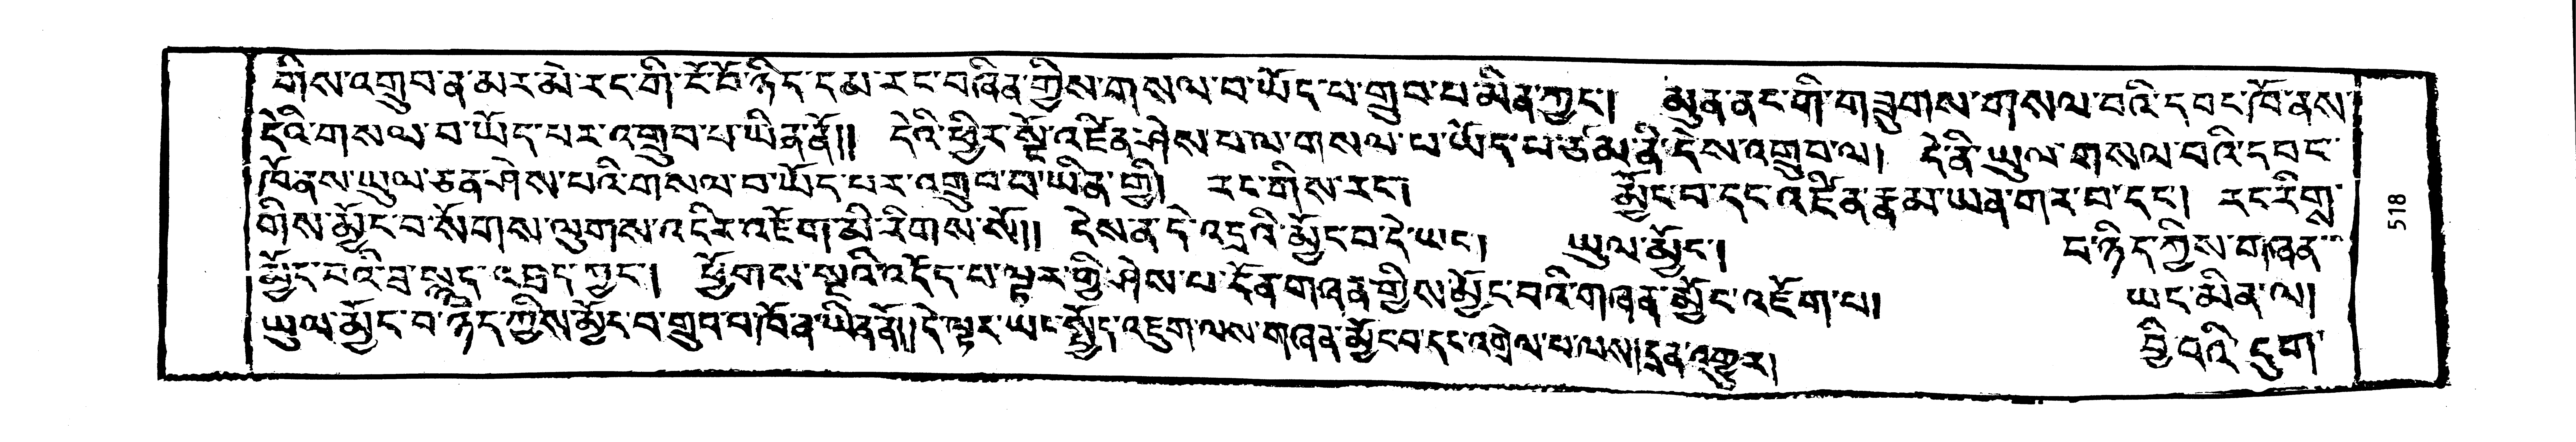གིས་འགྲུབ་ན་མར་མེ་རང་གི་ངོ་བོ་ཉིད་དམ་རང་བཞིན་གྱིས་གསལ་བ་ཡོད་པ་གྲུབ་པ་མིན་ཀྱང་། མུན་ནང་གི་གཟུགས་གསལ་བའི་དབང་ཁོ་ནས་
དེའི་གསལ་བ་ཡོད་པར་འགྲུབ་པ་ཡིན་ནོ། །དེའི་ཕྱིར་སྔོ་འཛིན་ཤེས་པ་ལ་གསལ་པ་ཡོད་པ་ཙམ་ནི་དེས་འགྲུབ་ལ། དེ་ནི་ཡུལ་གསལ་བའི་དབང་
ཁོ་ནས་ཡུལ་ཅན་ཤེས་པའི་གསལ་བ་ཡོད་པར་འགྲུབ་པ་ཡིན་གྱི། རང་གིས་རང་། མྱོང་བ་དང་འཛིན་རྣམ་ཡན་གར་བ་དང་། རང་རིགས་
གིས་མྱོང་བ་སོགས་ལུགས་འདིར་འཇོག་མི་རིགས་སོ། །དེས་ན་དེ་འདྲའི་མྱོང་བ་དེ་ཡང་། ཡུལ་མྱོང་། བ་ཉིད་ཀྱིས་གཞན་
མྱོང་བའི་ཐ་སྙད་འཐད་ཀྱང་། ཕྱོགས་སྔའི་འདོད་པ་ལྟར་གྱི་ཤེས་པ་དོན་གཞན་གྱིས་མྱོང་བའི་གཞན་མྱོང་འཇོག་པ། ཡང་མིན་ལ།
ཡུལ་མྱོང་བ་ཉིད་ཀྱིས་མྱོང་བ་གྲུབ་པ་ཁོ་ན་ཡིན་ནོ། །དེ་ལྟར་ཡང་སྤྱོད་འཇུག་ལས་གཞན་མྱོང་བ་དང་འགྲེལ་པ་ལས། དྲན་འགྱུར། བྱི་བའི་དུག་